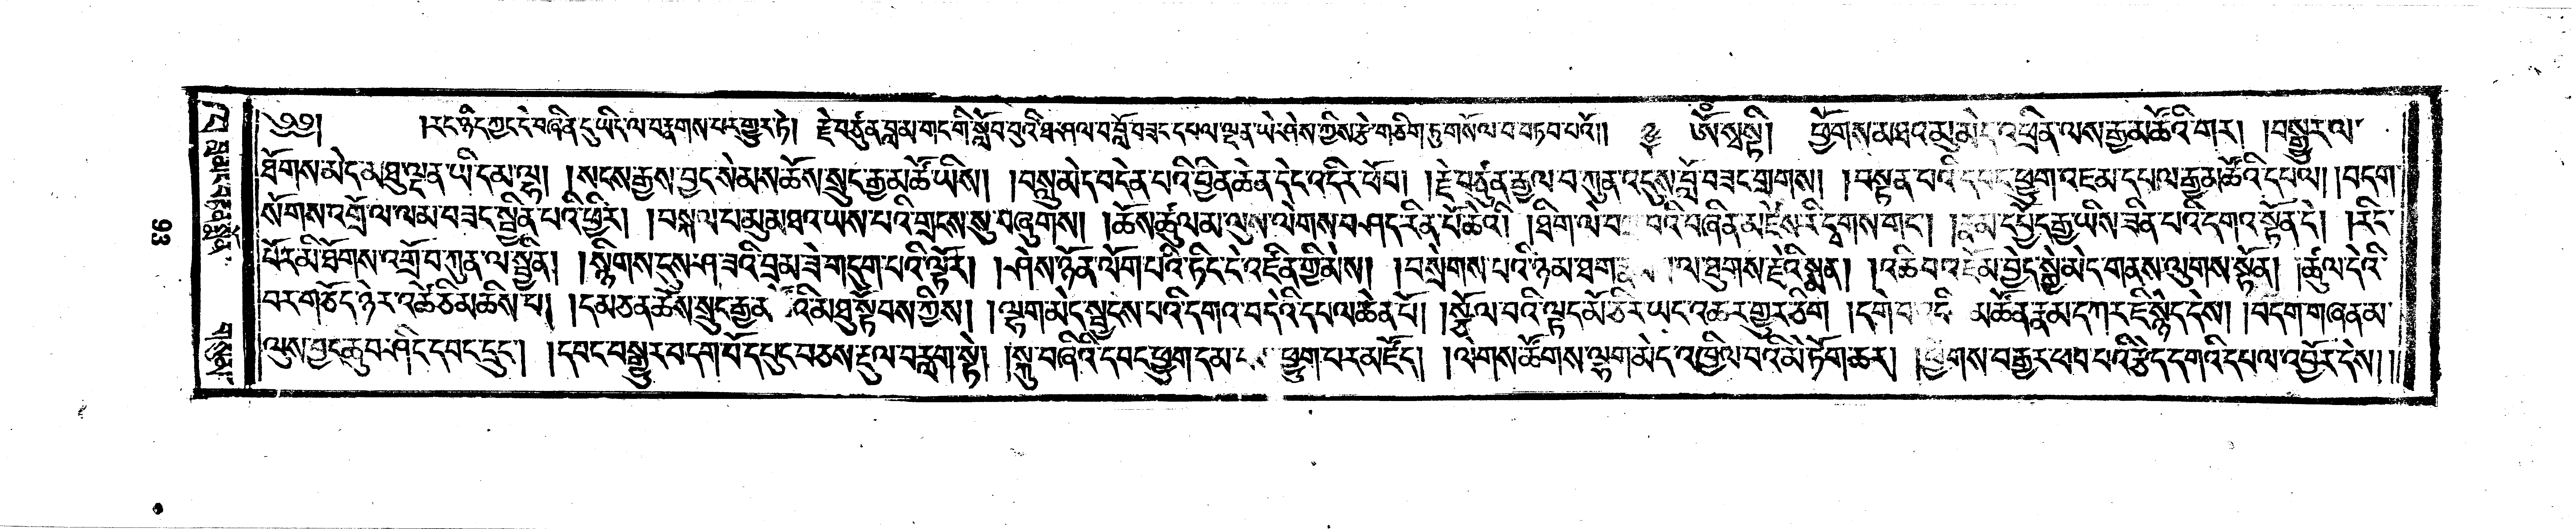༄༅། །རང་ཉིད་ཀྱང་དེ་བཞིན་དུ་ཡིད་ལ་བ་རྣགས་པར་གྱུར་ཏེ། རྗེ་བཙུན་བླ་མ་གང་གི་སློབ་བུའི་ཐ་ཤལ་བ་བློ་བཟང་དཔལ་ལྡན་ཡེ་ཤེས་ཀྱིས་རྩེ་གཅིག་ཏུ་གསོལ་བ་བཏབ་པའོ།། ༈ ཨོཾ་སྭ་སྟི། ཕྱོགས་མཐའ་མུ་མེད་འཕྲིན་ལས་རྒྱ་མཚོའི་གར། །བསྒྱུར་ལ་
ཐོགས་མེད་མཐུ་ལྡན་ཡི་དམ་ལྷ། །སངས་རྒྱས་བྱང་སེམས་ཆོས་སྲུང་རྒྱ་མཚོ་ཡིས། །བསླུ་མེད་བདེན་པའི་བྱིན་ཆེན་དེང་འདིར་ཕོབ། །རྗེ་བཙུན་རྒྱལ་བ་ཀུན་འདུས་བློ་བཟང་གྲགས། །བསྟན་པའི་དབང་ཕྱུག་འཇམ་དཔལ་རྒྱ་མཚོའི་དཔལ། །བདག་
སོགས་འགྲོ་ལ་ལམ་བཟང་སྦྱིན་པའི་ཕྱིར། །བསྐལ་པ་མུ་མཐའ་ཡས་པའི་གྲངས་སུ་བཞུགས། །ཆོས་ཚུལ་མ་ལུས་ལེགས་བཤད་རིན་པོ་ཆེའི། །ཐིག་ལེ་བཀྲ་བའི་བཞིན་མཛེས་རི་དྭགས་གང་། །རྣམ་དཔྱོད་རྒྱ་ཡིས་ཟིན་པའི་དགའ་སྟོན་དེ། །རིང་
པོར་མི་ཐོགས་འགྲོ་བ་ཀུན་ལ་སྦྱིན། །སྙིགས་དུས་ཤ་ཟའི་བྲམ་ཟེ་གདུག་པའི་ལྟོར། །ཤེས་ཉོན་ལོག་པའི་ཏིང་ངེ་འཛིན་གྱི་མེས། །བསྲེགས་པའི་ཉམ་ཐག་རྣམས་ལ་ཐུགས་རྗེའི་སྨན། །འཆི་བ་འཇོམ་བྱེད་སྐྱེ་མེད་གནས་ལུགས་སྟོན། །ཚུལ་དེའི་
བར་གཅོད་ཉེར་འཚེ་ཅི་མཆིས་པ། །དམ་ཅན་ཆོས་སྲུང་རྒྱ་མཚོའི་མཐུ་སྟོབས་ཀྱིས། །ལྷག་མེད་སྦྱངས་པའི་དགའ་བདེའི་དཔལ་ཆེན་པོ། །སྩོལ་བའི་ལྟད་མོ་ཅིར་ཡང་འཆར་གྱུར་ཅིག །དགེ་བ་འདིས་མཚོན་རྣམ་དཀར་ཇི་སྙེད་དེས། །བདག་གཞན་མ་
ལུས་བྱང་ཆུབ་ཤིང་དབང་དྲུང་། །དབང་བསྒྱུར་བདག་པོ་དཔུང་བཅས་རྡུལ་བརླག་སྟེ། །སྐུ་བཞིའི་དབང་ཕྱུག་དམ་པས་ཕྱུག་པར་མཛོད། །ལེགས་ཚོགས་ལྷག་མེད་འཁྱིལ་བའི་མེ་ཏོག་ཆར། །ཕྱོགས་བརྒྱར་ཕབ་པའི་རྩེད་དགའི་དཔལ་འབྱོར་དེས། །